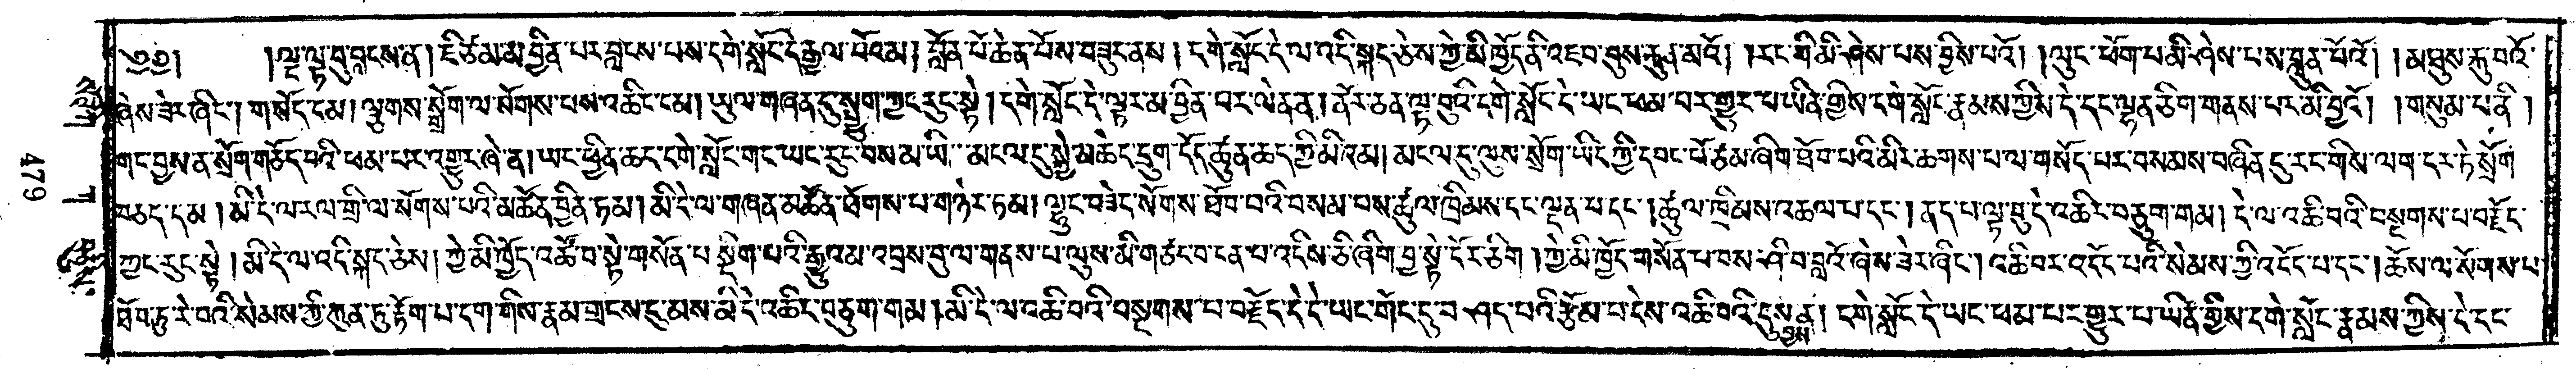༄༅། །ལྔ་ལྟ་བུ་བླངས་ན། ཇི་ཙམ་མ་བྱིན་པར་བླངས་པས་དགེ་སློང་དེ་རྒྱལ་པོའམ། བློན་པོ་ཆེན་པོས་བཟུང་ནས། དགེ་སློང་དེ་ལ་འདི་སྐད་ཅེས་ཀྱེ་མི་ཁྱོད་ནི་འཇབ་བུས་རྐུན་མའོ། །རང་གི་མི་ཤེས་པས་བྱིས་པའོ། །ལུང་ཕོག་པ་མི་ཤེས་པས་བླུན་པོའོ། །མཐུས་རྐུ་བའོ་
ཞེས་ཟེར་ཞིང་། གསོད་ངམ། ལྕགས་སྒྲོག་ལ་སོགས་པས་འཆིང་ངམ། ཡུལ་གཞན་དུ་སྤྱུག་ཀྱང་རུང་སྟེ་།དགེ་སློང་དེ་ལྟར་མ་བྱིན་པར་ལེན་ན། ནོར་ཅན་ལྟ་བུའི་དགེ་སློང་དེ་ཡང་ཕམ་བར་གྱུར་པ་ཡིན་གྱིས་དགེ་སློང་རྣམས་ཀྱིས་དེ་དང་ལྷན་ཅིག་གནས་པར་མི་བྱའོ། །གསུམ་པ་ནི་།
གང་བྱས་ན་སྲོག་གཅོད་པའི་ཕམ་པར་འགྱུར་ཞེ་ན། ཡང་ཕྱིན་ཆད་དགེ་སློང་གང་ཡང་རུང་བས་མ་ཡི་མངལ་དུ་སྐྱེ་མཆེད་དྲུག་དོད་ཚུན་ཆད་ཀྱི་མིའམ། མངལ་དུ་ལུས་སྲོག་ཡིད་ཀྱི་དབང་པོ་ཙམ་ཞིག་ཐོབ་པའི་མིར་ཆགས་པ་ལ་གསོད་པར་བསམས་བཞིན་དུ་རང་གིས་ལག་དར་ཏེ་སྲོག་
བཅད་དམ་།མི་དེ་ལ་རལ་གྲི་ལ་སོགས་པའི་མཚོན་བྱིན་ཏམ། མི་དེ་ལ་གཞན་མཚོན་ཐོགས་པ་གཉེར་ཏམ། ལྷུང་བཟེད་སོགས་ཐོབ་བའི་བསམ་བས་ཚུལ་ཁྲིམས་དང་ལྡན་པ་དང་།ཚུལ་ཁྲིམས་འཆལ་པ་དང་། ནད་པ་ལྟ་བུ་དེ་འཆིར་བཅུག་གམ། དེ་ལ་འཆི་བའི་བསྔགས་པ་བརྗོད་
ཀྱང་རུང་སྟེ་།མི་དེ་ལ་འདི་སྐད་ཅེས། ཀྱེ་མི་ཁྱོད་འཚོ་བ་སྟེ་གསོན་པ་སྡིག་པའི་རྒྱུའམ་འབྲས་བུ་ལ་གནས་པ་ལུས་མི་གཙང་བ་ངན་པ་འདིས་ཅི་ཞིག་བྱ་སྟེ་དོར་ཅིག །ཀྱེ་མི་ཁྱོད་གསོན་པ་བས་ཤི་བ་བླའོ་ཞེས་ཟེར་ཞིང་། འཆི་བར་འདོད་པའི་སེམས་ཀྱི་འདོད་པ་དང་།ཆོས་ལ་སོགས་པ་
ཐོབ་ཏུ་རེ་བའི་སེམས་ཀྱི་ཀུན་ཏུ་རྟོག་པ་དག་གིས་རྣམ་གྲངས་དུ་མས་མི་དེ་འཆིར་བཅུག་གམ། མི་དེ་ལ་འཆི་བའི་བསྔགས་པ་བརྗོད་དེ་དེ་ཡང་གོང་དུ་བཤད་པའི་རྩོམ་པ་དེས་འཆི་བའི་དུས་བྱས་ན། དགེ་སློང་དེ་ཡང་ཕམ་པར་གྱུར་པ་ཡིན་གྱིས་དགེ་སློང་རྣམས་ཀྱིས་དེ་དང་